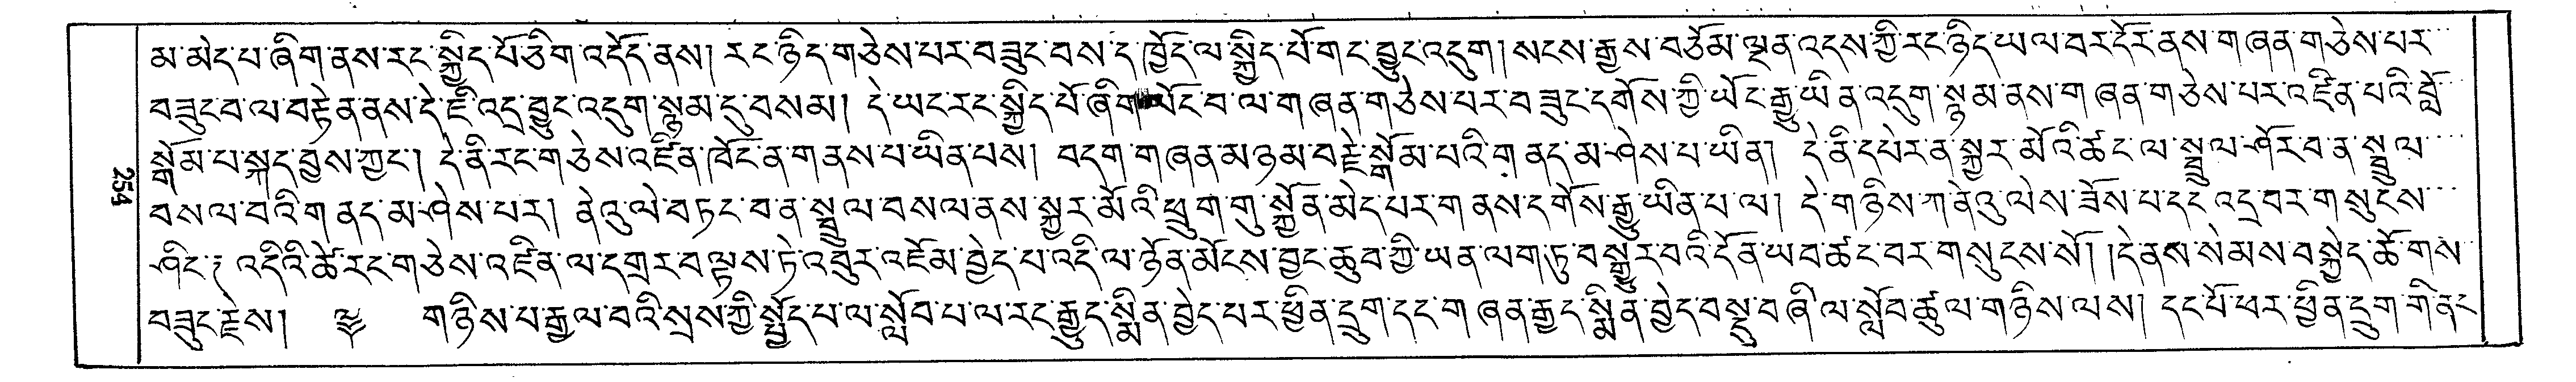མ་མེད་པ་ཞིག་ནས་རང་སྐྱིད་པོ་ཅིག་འདོད་ནས། རང་ཉིད་གཅེས་པར་བཟུང་བས་ད་ཁྱོད་ལ་སྐྱིད་པོ་གང་བྱུང་འདུག། སངས་རྒྱས་བཅོམ་ལྡན་འདས་ཀྱི་རང་ཉིད་ཡལ་བར་དོར་ནས་གཞན་གཅེས་པར་
བཟུང་བ་ལ་བརྟེན་ནས་ད་ཇི་འདྲ་བྱུང་འདུག་སྙམ་དུ་བསམ། དེ་ཡང་རང་སྐྱིད་པོ་ཞིག་ཡོང་བ་ལ་གཞན་གཅེས་པར་བཟུང་དགོས་ཀྱི་ཡོང་རྒྱུ་ཡིན་འདུག་སྙམ་ནས་གཞན་གཅེས་པར་འཛིན་པའི་བློ་
སྒོམ་པ་སྐད་བྱས་ཀྱང་། དེ་ནི་རང་གཅེས་འཛིན་ཁོང་ན་གནས་པ་ཡིན་པས། བདག་གཞན་མཉམ་བརྗེ་སྒོམ་པའི་གནད་མ་ཤེས་པ་ཡིན། དེ་ནི་དཔེར་ན་སྐྱར་མོའི་ཚང་ལ་སྦྲུལ་ཤོར་བ་ན་སྦྲུལ་
བསལ་བའི་གནད་མ་ཤེས་པར། ནེའུ་ལེ་བཏང་པ་ན་སྦྲུལ་བསལ་ནས་སྐྱར་མོའི་ཕྲུག་གུ་སྐྱོན་མེད་པར་གནས་དགོས་རྒྱུ་ཡིན་པ་ལ། དེ་གཉིས་ཀེ་ནེའུ་ལེས་ཟོས་པ་དང་འདྲ་བར་གསུངས་
ཤིང༑ འདིའི་ཚེ་རང་གཅེས་འཛིན་ལ་དགྲར་བལྟས་ཏེ་འབུར་འཇོམ་བྱེད་པ་འདི་ལ་ཉོན་མོངས་བྱང་ཆུབ་ཀྱི་ཡན་ལག་ཏུ་བསྒྱུར་བའི་དོན་ཡང་ཚང་བར་གསུངས་སོ། །དེ་ནས་སེམས་བསྐྱེད་ཆོགས་
བཟུང་རྗེས། ༈ གཉིས་པ་རྒྱལ་བའི་སྲས་ཀྱི་སྤྱོད་པ་ལ་སློབ་པ་ལ་རང་རྒྱུད་སྨིན་བྱེད་ཕར་ཕྱིན་དྲུག་དང་གཞན་རྒྱུད་སྨིན་བྱེད་བསྡུ་བཞི་ལ་སློབ་ཚུལ་གཉིས་ལས། དང་བོ་ཕར་ཕྱིན་དྲུག་གི་ནང་